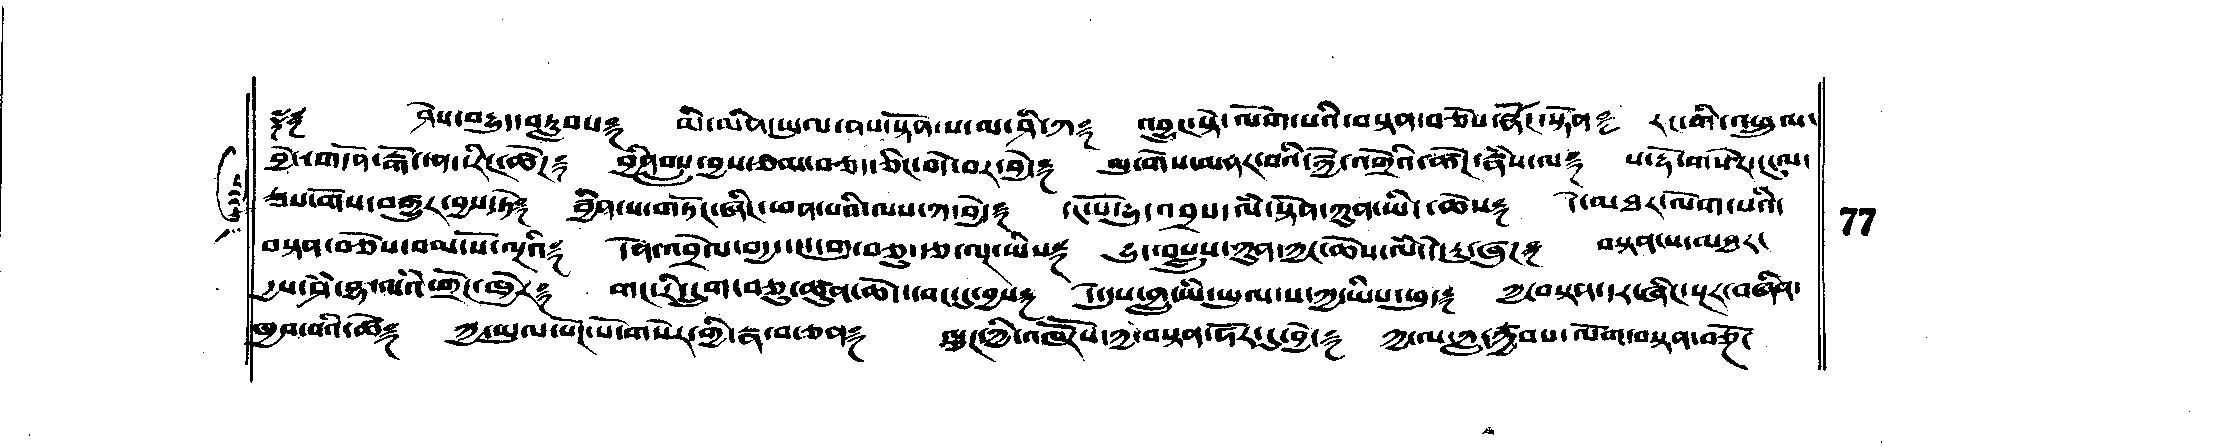ཤེས་བརྒྱུད་བརླབས། །མི་མིན་ཡུལ་ནས་སྟོན་པ་མ་ཤི་ཀ། །འབྱུང་སྟེ་ལོག་པའི་བསྟན་བཅོས་སྣ་ཚོགས་སྟོན། །རང་གི་འཕྲུལ་
བྱེད་གདོན་བགེགས་ནད་རིགས་ཚོགས། །བྱིན་རླབས་བྱས་ཙམ་བཅད་ཅིང་བདེ་བར་བྱེད། །མུ་གེས་མནར་བའི་སྐྱེ་འགྲོའི་ཚོགས་རྣམས་ལ། །ས་རྡོ་གསེར་དངུལ་
ཟས་གོས་བསྒྱུར་བྱས་ཏེ། །སྦྱིན་པ་གཏོང་ཞིང་ཕན་པའི་ལས་ཀ་བྱེད། །དང་པོ་རྒྱུ་འབྲས་ལམ་སྟོན་ཀུན་ཡིད་ཆེས། །དེ་མཐར་ལོག་པའི་
བསྟན་བཅོས་བམ་པོ་ལྔའི། །དོན་འབྲེལ་བརྒྱ་དང་དགུ་བཅུ་རྩ་ལྔ་ཡིས། །རྒྱུད་བསླུས་ཀུན་ཀྱང་ཆོས་ལམ་དེ་རུ་ཞུགས། །བསྟན་པ་མཐར་
རྒྱས་ཤམ་བྷ་ལའི་གྲོང་ཁྱེར། །གངས་རི་དྲུག་ཅུ་ཚུན་ཆེད་དབང་དུ་བྱས། །དེ་དུས་ཀླུ་ཡི་ཡུལ་ས་ཀྱ་ཡིས་ཕུད། །ཀྱ་བསྟན་དར་ཞིང་སྔར་བཞིན་
ཁྱབ་བའི་ཚེ། །ཀྱ་ཡུལ་སོགས་པོ་གསེར་གྱི་རྣ་བ་ཅན། །ལྕགས་ཀྱི་འཁོར་ལོས་ཀྱ་བསྟན་ཧོར་དུ་བྱེད། །ཀྱ་ལ་ཀླ་སྐྱབས་ལོག་བསྟན་བཅོ་ལྔ་